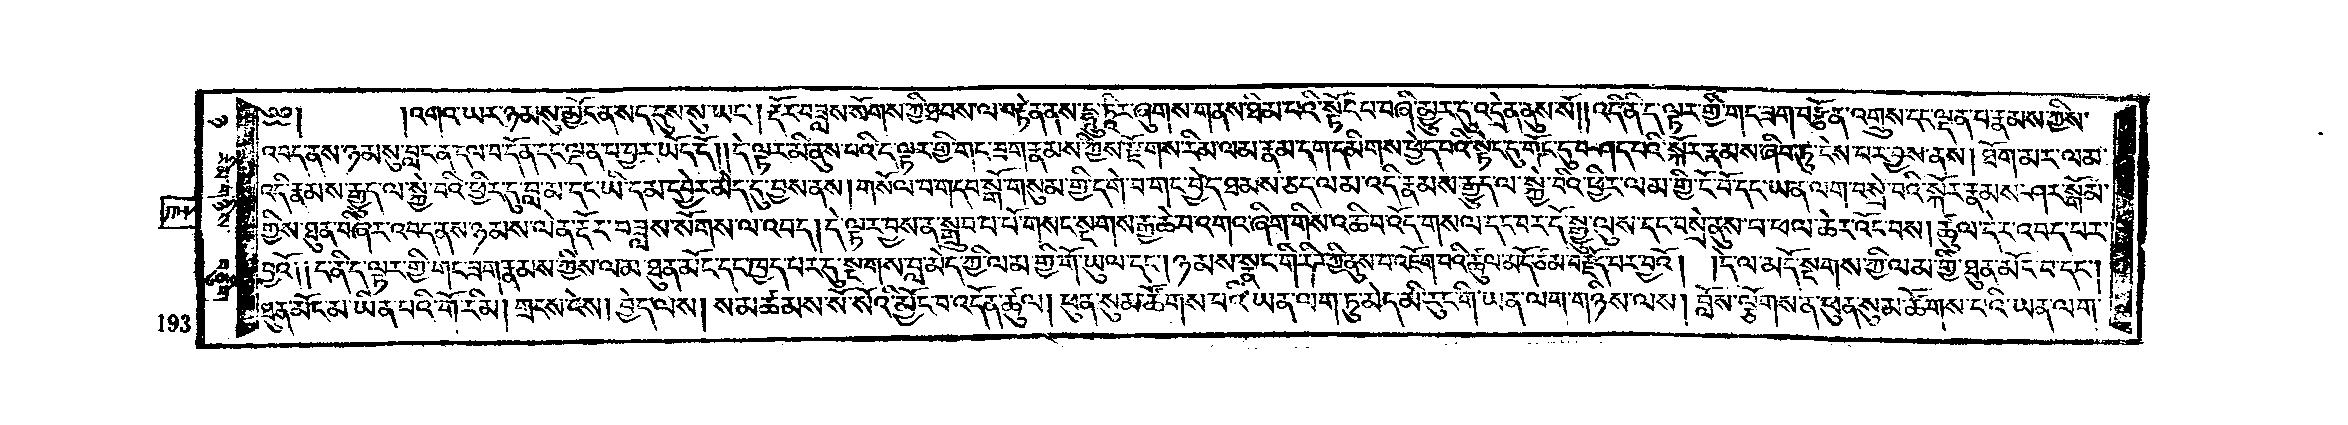༄༅། །འགའ་ཡར་ཉམས་སུ་མྱོང་ན་སད་དུས་སུ་ཡང་། རྡོར་བཟླས་སོགས་ཀྱི་ཐབས་ལ་བརྟེན་ནས་དྷཱུ་ཏཱིར་ཞུགས་གནས་ཐིམ་པའི་སྟོང་པ་བཞི་མྱུར་དུ་འདྲེན་ནུས་སོ། །འདི་ནི་ད་ལྟར་གྱི་གང་ཟག་བརྩོན་འགྲུས་དང་ལྡན་པ་རྣམས་ཀྱིས་
འབད་ནས་ཉམས་སུ་བླང་ན་དལ་བ་དོན་དང་ལྡན་པ་བྱར་ཡོད་དོ། །དེ་ལྟར་མི་ནུས་པའི་ད་ལྟར་གྱི་གང་ཟག་རྣམས་ཀྱིས་རྫོགས་རིམ་ལམ་རྣམ་དག་དམིགས་ཕྱེད་པའི་སྟེང་དུ་གོང་དུ་བཤད་པའི་སྐོར་རྣམས་ཞིབ་ཏུ་ངེས་པར་བྱས་ནས། ཐོག་མར་ལམ་
འདི་རྣམས་རྒྱུད་ལ་སྐྱེ་བའི་ཕྱིར་དུ་བླ་མ་དང་ཡི་དམ་དབྱེར་མེད་དུ་བྱས་ནས། གསོལ་བ་གདབ་སྒོ་གསུམ་གྱི་དགེ་བ་གང་བྱེད་ཐམས་ཅད་ལམ་འདི་རྣམས་རྒྱུད་ལ་སྐྱེ་བའི་ཕྱིར་ལམ་གྱི་ངོ་བོ་དང་ཡན་ལག་བསྲེ་བའི་སྐོར་རྣམས་ཤར་སྒོམ་
གྱིས་ཐུན་བཞིར་འབད་ནས་ཉམས་ལེན་རྡོར་བཟླས་སོགས་ལ་འབད། དེ་ལྟར་བྱས་ན་སྒྲུབ་པ་པོ་གསང་སྔགས་རྒྱ་ཆེ་བ་འགའ་ཞིག་གིས་འཆི་བ་འོད་གསལ་དང་བར་དོ་སྒྱུ་ལུས་དང་བསྲེ་ནུས་པ་ཕལ་ཆེར་འོང་བས། ཚུལ་དེར་འབད་པར་
བྱའོ། །ད་ནི་ད་ལྟར་གྱི་གང་ཟག་རྣམས་ཀྱིས་ལམ་ཐུན་མོང་དང་ཁྱད་པར་དུ་སྔགས་བླ་མེད་ཀྱི་ལམ་གྱི་གོ་ཡུལ་དང་། ཉམས་སྣང་གི་རིཌ་ཀྱི་ནུས་པ་འཇོག་པའི་ཚུལ་མདོ་ཙམ་བརྗོད་པར་བྱའོ། །དེ་ལ་མདོ་སྔགས་ཀྱི་ལམ་གྱི་ཐུན་མོང་བ་དང་།
ཐུན་མོང་མ་ཡིན་པའི་གོ་རིམ། གྲངས་ངེས། བྱེད་ལས། ས་མཚམས་སོ་སོའི་མྱོང་བ་འདོན་ཚུལ། ཕུན་སུམ་ཚོགས་པའི་ཡན་ལག་ཏུ་མེད་མི་རུང་གི་ཡན་ལག་གཉིས་ལས། བློས་ལྕོགས་ན་ཕུན་སུམ་ཚོགས་པའི་ཡན་ལག་